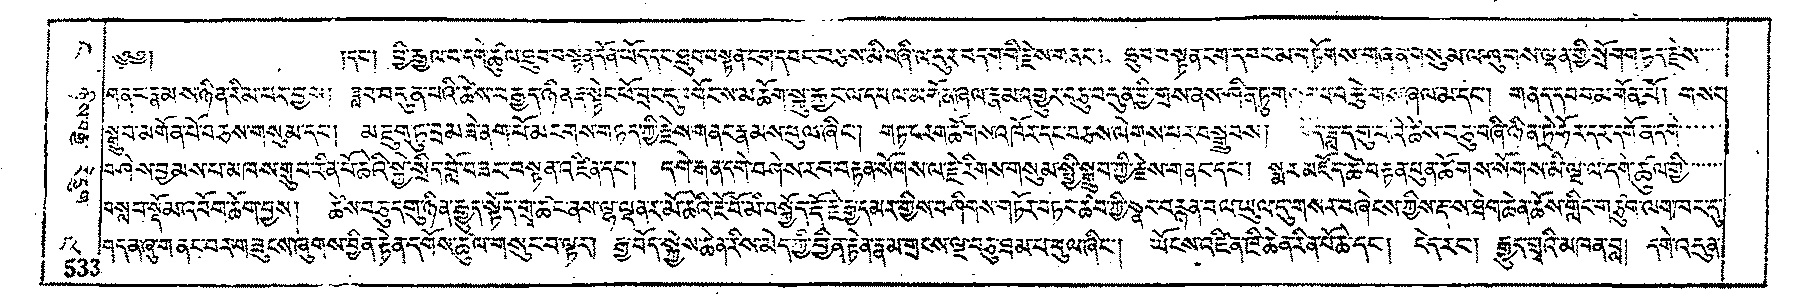༄༅། །དང་། ཕྱི་རྒྱལ་བ་དགེ་ཚུལ་ཐུབ་བསྟན་དོན་ཡོད་དང་ཐུབ་བསྟན་ངག་དབང་བཅས་མི་བཞི་ལ་དུར་བདག་གི་རྗེས་གནང་། ཐུབ་བསྟན་ངག་དབང་མ་གཏོགས་གཞན་གསུམ་ལ་ཤུགས་ལྡན་གྱི་སྲོག་གཏད་རྗེས་
གནང་རྣམས་ཉིན་རིམ་པར་བྱས། ཟླ་བ་བདུན་པའི་ཚེས་བརྒྱད་ཉིན་རྡ་སྟེང་ཕོ་བྲང་དུ་༧གོང་ས་མཆོག་སྐུ་རྐྱང་ལ་དཔལ་མགོན་ཞལ་རྣམ་འགྱུར་བཅུ་བདུན་གྱི་གྲས་ནས་ཤིན་ཏུ་གཉན་པ་བརྩེགས་ཞལ་མ་དང་། གནད་དབབ་མགོན་པོ། གསང་
སྒྲུབ་མགོན་པོ་བཅས་གསུམ་དང་། མཇུག་ཏུ་བྲམ་ཟེ་ནག་པོ་མངགས་གཏད་ཀྱི་རྗེས་གནང་རྣམས་ཕུལ་ཞིང་། གཏང་རག་ཚོགས་འཁོར་དང་བཅས་ལེགས་པར་བསྒྲུབས། བོད་ཟླ་དགུ་པའི་ཚེས་བཅུ་བཞི་ཉིན་ཏྲེ་ཧོར་དར་དགོན་དགེ་
བཤེས་བྱམས་པ་མཁས་གྲུབ་རིན་པོ་ཆེའི་སྐྱེ་སྲིད་བློ་བཟང་བསྟན་འཛིན་དང་། དགེ་རྒན་དགེ་བཤེས་རབ་བརྟན་སོགས་ལ་རྗེ་རིགས་གསུམ་སྤྱི་སྒྲུབ་ཀྱི་རྗེས་གནང་དང་། སྨར་མཛོད་ཚེ་བརྟན་ཕུན་ཚོགས་སོགས་མི་ལྔ་ལ་དགེ་ཚུལ་གྱི་
བསླབ་སྡོམ་འབོག་ཆོག་བྱས། ཚེས་བཅུ་དགུ་ཉིན་རྒྱུད་སྟོད་གྲྭ་ཚང་ནས་ལྷ་ལྡན་ར་མོ་ཆེའི་ཇོ་བོ་མི་བསྐྱོད་རྡོ་རྗེ་རྒྱ་དམར་གྱིས་བཤིགས་གཏོར་བཏང་ཚབ་ཀྱི་སྣང་བརྙན་བལ་ཡུལ་དུ་གསར་བཞེངས་ཀྱིས་རྡ་ས་ཐེག་ཆེན་ཆོས་གླིང་གཙུག་ལག་ཁང་དུ་
གདན་ཞུ་གནང་བར་གཟུངས་ཞུགས་བྱིན་རྟེན་དགོས་ཚུལ་གསུང་བ་ལྟར། རྒྱ་བོད་སྐྱེས་ཆེན་རིས་མེད་ཀྱི་བྱིན་རྟེན་རྣམ་གྲངས་ལྔ་བཅུ་ཐམ་པ་ཕུལ་ཞིང་། ཡོངས་འཛིན་ཁྲི་ཆེན་རིན་པོ་ཆེ་དང་། ངེད་རང་། རྒྱུད་གྲྭའི་མཁན་བླ། དགེ་འདུན་